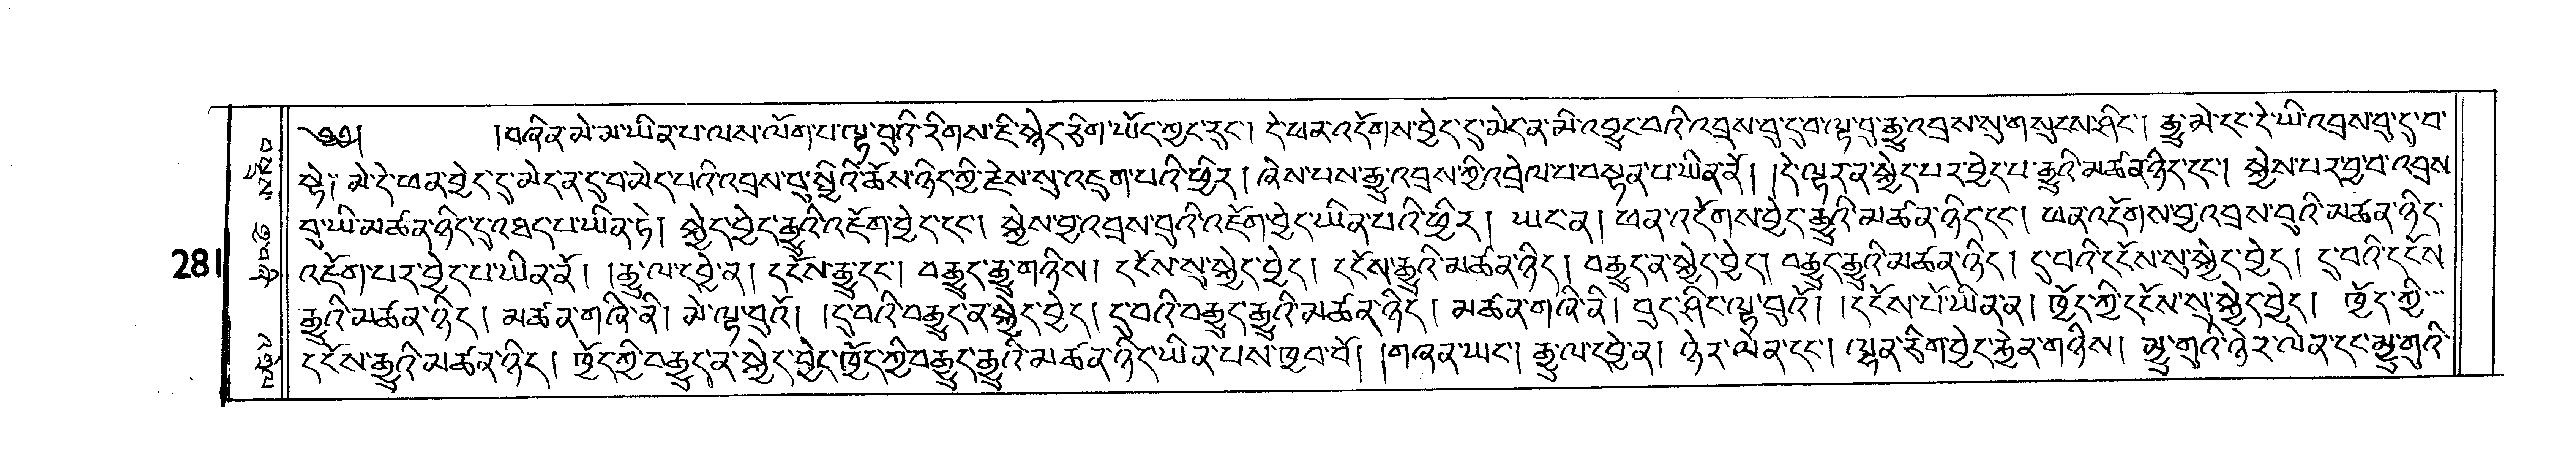༄༅། །བཞིན་མེ་མ་ཡིན་པ་ལས་ལོག་པ་ལྟ་བུའི་རིགས་ཇི་སྙེད་ཅིག་ཡོད་ཀྱང་རུང་། དེ་ཕན་འདོགས་བྱེད་དུ་མེད་ན་མི་འབྱུང་བའི་འབྲས་བུ་དུ་བ་ལྟ་བུ་རྒྱུ་འབྲས་སུ་གསུངས་ཤིང་། རྒྱུ་མེ་དང་དེ་ཡི་འབྲས་བུ་དུ་བ་
སྟེ༑ མེ་དེ་ཕན་བྱེད་དུ་མེད་ན་དུ་བ་མེད་པའི་འབྲས་བུ་སྤྱིའི་ཆོས་ཉིད་ཀྱི་རྗེས་སུ་འཇུག་པའི་ཕྱིར། ཞེས་པས་རྒྱུ་འབྲས་ཀྱི་འབྲེལ་པ་བསྟན་པ་ཡིན་ནོ། །དེ་ལྟར་ན་སྐྱེད་པར་བྱེད་པ་རྒྱུའི་མཚན་ཉིད་དང་། སྐྱེས་པར་བྱ་བ་འབྲས་
བུ་ཡི་མཚན་ཉིད་དུ་འཐད་པ་ཡིན་ཏེ། སྐྱེད་བྱེད་རྒྱུའི་འཇོག་བྱེད་དང་། སྐྱེས་བྱ་འབྲས་བུའི་འཇོག་བྱེད་ཡིན་པའི་ཕྱིར། ཡང་ན། ཕན་འདོགས་བྱེད་རྒྱུའི་མཚན་ཉིད་དང་། ཕན་འདོགས་བྱ་འབྲས་བུའི་མཚན་ཉིད་
འཇོག་པར་བྱེད་པ་ཡིན་ནོ། །རྒྱུ་ལ་དབྱེ་ན། དངོས་རྒྱུ་དང་། བརྒྱུད་རྒྱུ་གཉིས། དངོས་སུ་སྐྱེད་བྱེད། དངོས་རྒྱུའི་མཚན་ཉིད། བརྒྱུད་ན་སྐྱེད་བྱེད། བརྒྱུད་རྒྱུའི་མཚན་ཉིད། དུ་བའི་དངོས་སུ་སྐྱེད་བྱེད། དུ་བའི་དངོས་
རྒྱུའི་མཚན་ཉིད། མཚན་གཞི་ནི། མེ་ལྟ་བུའོ། །དུ་བའི་བརྒྱུད་ན་སྐྱེད་བྱེད། དུ་བའི་བརྒྱུད་རྒྱུའི་མཚན་ཉིད། མཚན་གཞི་ནི། བུད་ཤིང་ལྟ་བུའོ། །དངོས་པོ་ཡིན་ན། ཁྱོད་ཀྱི་དངོས་སུ་སྐྱེད་བྱེད། ཁྱོད་ཀྱི་
དངོས་རྒྱུའི་མཚན་ཉིད། ཁྱོད་ཀྱི་བརྒྱུད་ན་སྐྱེད་བྱེད་ཁྱོད་ཀྱི་བརྒྱུད་རྒྱུའི་མཚན་ཉིད་ཡིན་པས་ཁྱབ་བོ། །གཞན་ཡང་། རྒྱུ་ལ་དབྱེ་ན། ཉེར་ལེན་དང་། ལྷན་ཅིག་བྱེད་རྐྱེན་གཉིས། མྱུ་གུའི་ཉེར་ལེན་དང་མྱུ་གུའི་